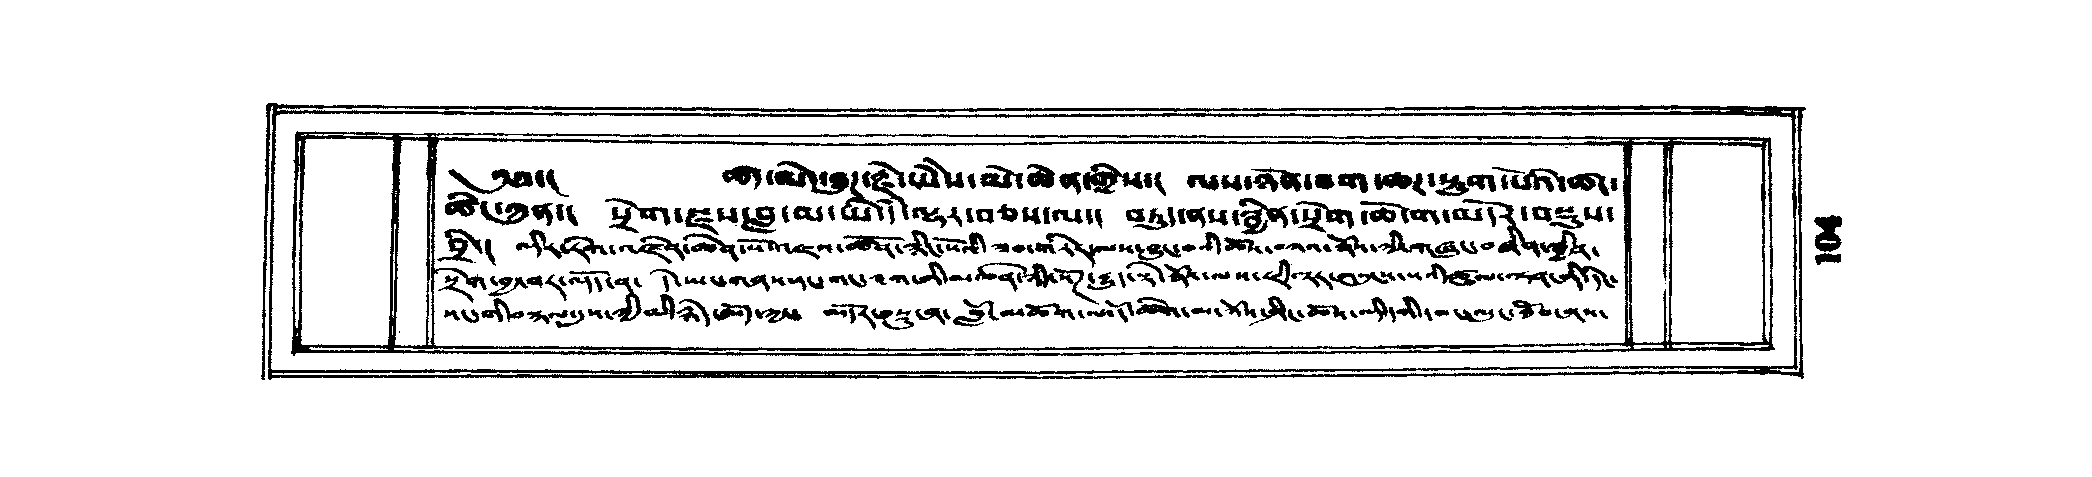ཚད་མེད་ཐུགས་རྗེ་ཡེ་ཤེས་མེ་ཆེན་གྱིས། །ལས་ཉོན་བག་ཆགས་སྟུག་པོའི་ཚང་
ཚིང་ཀུན། །སྲོག་རྫས་བླ་མ་ཡི་དམ་ལྷར་བཅས་ལ། །བཏུད་ནས་སྦྱིན་སྲེག་ཆོ་ག་མདོར་བསྡུས་
བྲི། །འདིར་རིག་འཛིན་ཆེན་པོ་འཇའ་ཚོན་སྙིང་པོའི་ཟབ་གཏེར་ལས་བྱུང་བའི་ཆོས་བཀའ་རྣམས་ཀྱི་གཞུང་བཞིན་སྦྱིན་
སྲེག་བྱ་བར་འདོད་ན། དེ་ཡང་གནས་དང་གང་ཟག་གི་མཚན་ཉིད་སོགས་རྒྱུད་སྡེ་རྣམས་ལས་ཇི་ལྟར་གསུངས་པའི་ཚུལ་ལྡན་ནི་དེང
་སང་གི་བསྐལ་དུས་ཀྱི་མི་རྙེད་མོད་ཀྱང་། མདོར་བསྡུས་ན་བླ་མ་མཆོག་ལ་དམ་ཚིག་མ་ཉམས་ཤིང་ཆོས་འདི་དག་གི་དབང་ལུང་ཐོབ་ནས་